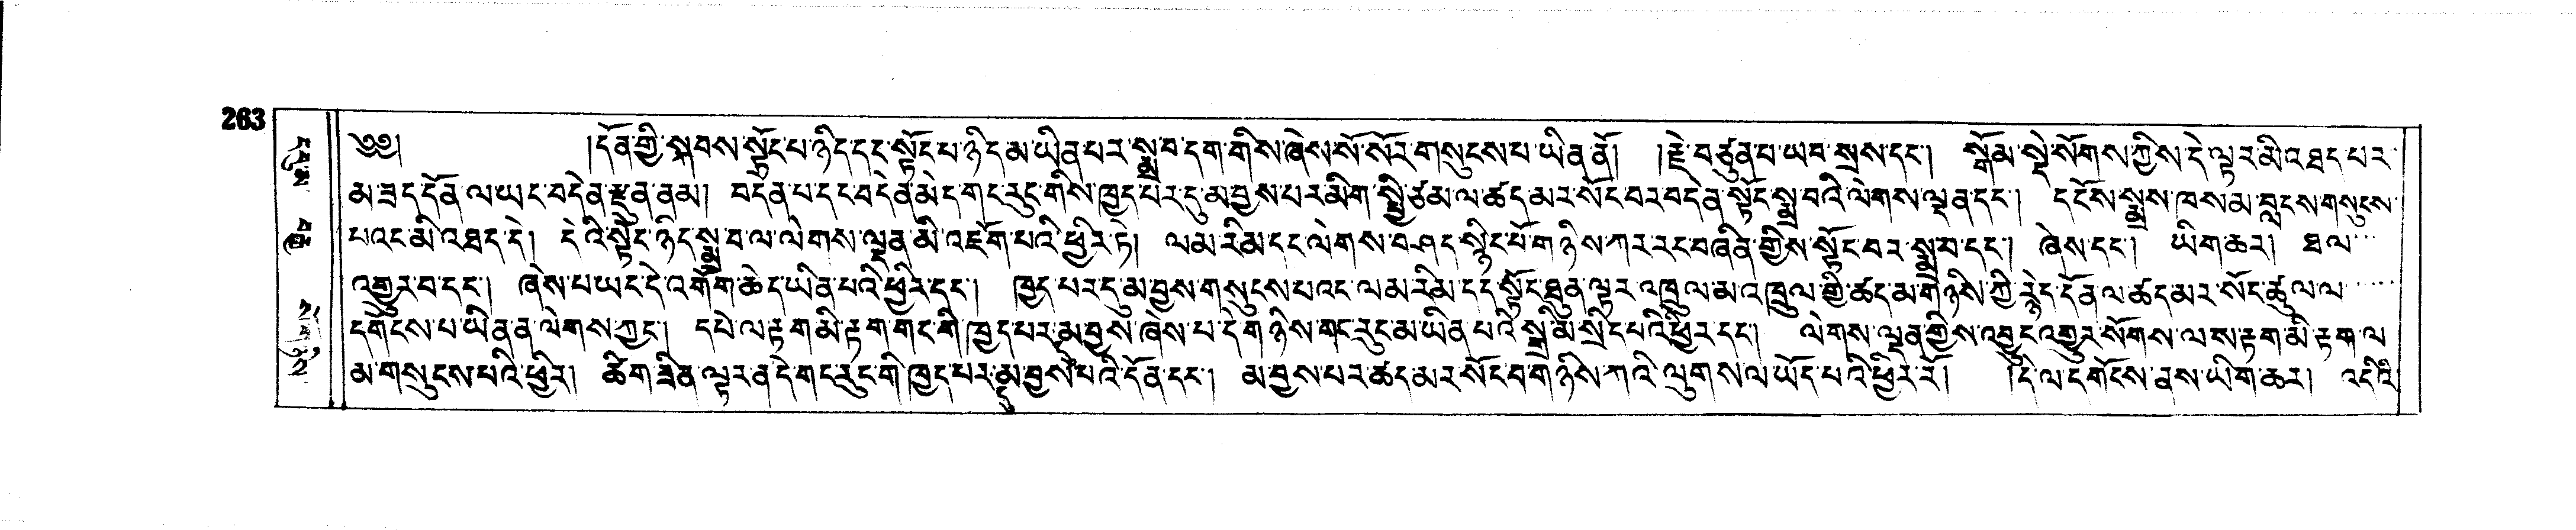༄༅། །དོན་གྱི་སྐབས་སྟོང་པ་ཉིད་དང་སྟོང་པ་ཉིད་མ་ཡིན་པར་སྨྲ་བ་དག་གིས་ཞེས་སོ་སོར་གསུངས་པ་ཡིན་ནོ། །རྗེ་བཙུན་པ་ཡབ་སྲས་དང་། སྒོམ་སྡེ་སོགས་ཀྱིས་དེ་ལྟར་མི་འཐད་པར་
མ་ཟད་དོན་ལ་ཡང་བདེན་རྫུན་ནམ། བདེན་པ་དང་བདེན་མེད་གང་རུང་གིས་ཁྱད་པར་དུ་མ་བྱས་པར་མིག་སྤྱི་ཙམ་ལ་ཚད་མར་སོང་བར་བདེན་སྟོང་སྨྲ་བའི་ལེགས་ལྡན་དང་། དངོས་སྨྲས་ཁས་མ་བླངས་གསུངས་
པའང་མི་འཐད་དེ། དེའི་སྟོང་ཉིད་སྨྲ་བ་ལ་ལེགས་ལྡན་མི་འཇོག་པའི་ཕྱིར་ཏེ། ལམ་རིམ་དང་ལེགས་བཤད་སྙིང་པོ་གཉིས་ཀར་རང་བཞིན་གྱིས་སྟོང་བར་སྨྲ་བ་དང་། ཞེས་དང་། ཡིག་ཆར། ཐལ་
འགྱུར་བ་དང་། ཞེས་པ་ཡང་དེ་འགོག་ཆེད་ཡིན་པའི་ཕྱིར་དང་། ཁྱད་པར་དུ་མ་བྱས་གསུངས་པའང་ལམ་རིམ་དད་སྟོང་ཐུན་ལྟར་འཁྲུལ་མ་འཁྲུལ་གྱི་ཚད་མ་གཉིས་ཀྱི་རྙེད་དོན་ལ་ཚད་མར་སོང་ཚུལ་ལ་
དགོངས་པ་ཡིན་ན་ལེགས་ཀྱང་། དཔེ་ལ་རྟག་མི་རྟག་གང་གི་ཁྱད་པར་དུ་མ་བྱས་ཞེས་པ་དེ་གཉིས་གང་རུང་མ་ཡིན་པའི་སྒྲ་མི་སྲིད་པའི་ཕྱིར་དང་། ལེགས་ལྡན་གྱིས་འབྱུང་འགྱུར་སོགས་ལས་རྟག་མི་རྟག་ལ་
མ་གསུངས་པའི་ཕྱིར། ཚིག་ཟིན་ལྟར་ན་དེ་གང་རུང་གི་ཁྱད་པར་དུ་མ་བྱས་པའི་དོན་དང་། མ་བྱས་པར་ཚད་མར་སོང་བ་གཉིས་ཀའི་ལུགས་ལ་ཡོད་པའི་ཕྱིར་རོ། །དེ་ལ་དགོངས་ནས་ཡིག་ཆར། འདིའི་